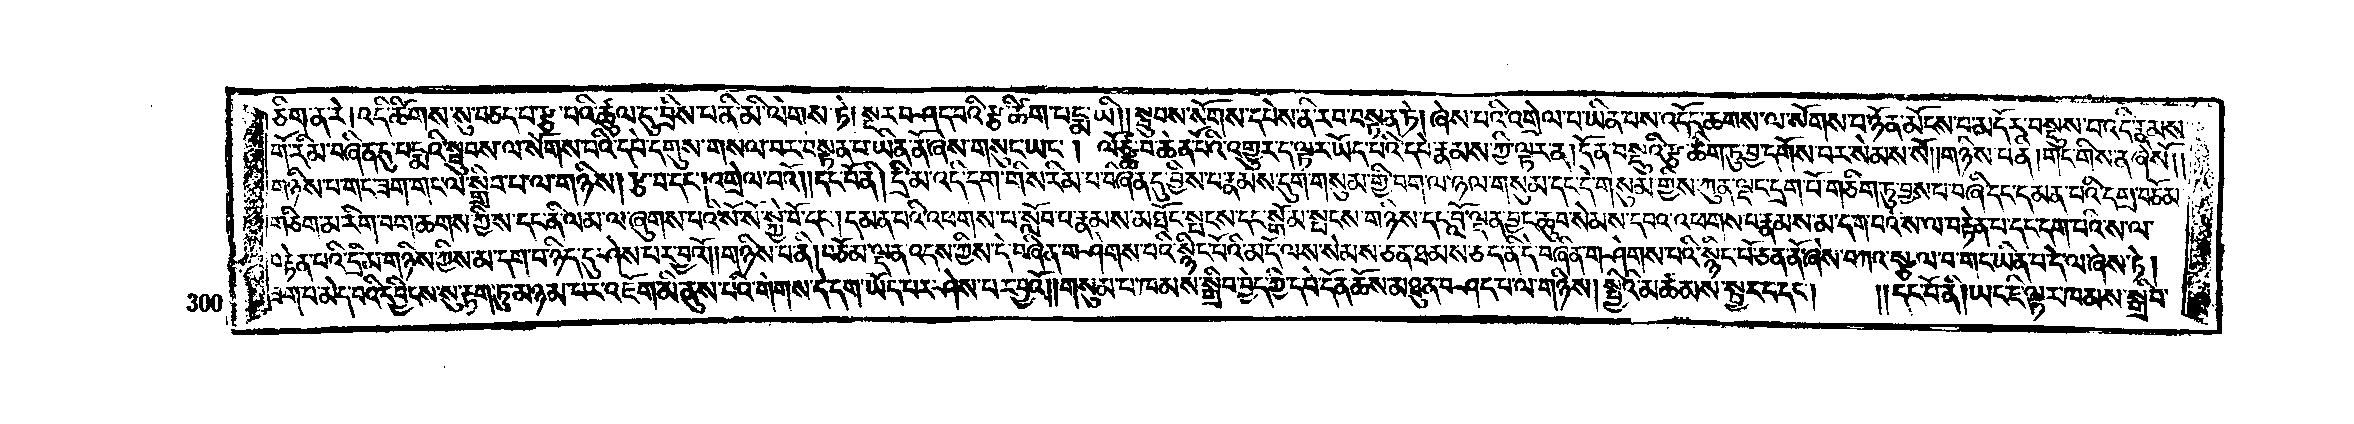ཅིག་ན་རི། འདི་ཚིགས་སུ་བཅད་པ་རྩ་བའི་ཚུལ་དུ་བྲིས་པ་ནི་མི་ལེགས་ཏེ། སྔར་བཤད་པའི་རྩ་ཚིག་པདམ་ཡི། སྦུབས་སོགས་དཔེས་ནི་རབ་བསྟན་ཏེ། ཞེས་པའི་འགྲེལ་པ་ཡིན་པས་འདོད་ཆགས་ལ་སོགས་པ་ཉོན་མོངས་པ་མདོར་བསྡུས་པ་འདི་རྣམས་
གོ་རིམ་བཞིན་དུ་པདམའི་སྦུབས་ལ་སོགས་པའི་དཔེ་དགུས་གསལ་བར་བསྟན་པ་ཡིན་ནོ་ཞེས་གསུང་ཡང་། ལོ་ཙྪ་བ་ཆེན་པོའི་འགྱུར་ད་ལྟར་ཡོད་པའི་དཔེ་རྣམས་ཀྱི་ལྟར་ན། དོན་བསྡུའི་རྩ་ཚིག་ཏུ་བྱ་དགོས་པར་སེམས་སོ། །གཉིས་པ་ནི། གང་གིས་ན་ཞེས་སོ། །
གཉིས་པ་གང་ཟག་གང་ལ་སྒྲིབ་པ་ལ་གཉིས། རྩ་བ་དང་། འགྲེལ་པའོ། །དང་པོ་ནི། དྲི་མ་འདི་དག་གིས་རིམ་པ་བཞིན་དུ་བྱིས་པ་རྣམས་དུག་གསུམ་གྱི་བག་ལ་ཉལ་གསུམ་དང་དེ་གསུམ་གྱིས་ཀུན་ལྡང་དྲག་པོ་གཅིག་ཏུ་བྱས་པ་བཞི་དང་དམན་པའི་དགྲ་བཅོམ་
གཅིག་མ་རིག་བག་ཆགས་ཀྱི་ས་དང་ནི་ལམ་ལ་ཞུགས་པའི་སོ་སོ་སྐྱེ་བོ་དང་། དམན་པའི་འཕགས་པ་སློབ་པ་རྣམས་མཐོང་སྤངས་དང་སྒོམ་སྤངས་གཉིས་དང་བློ་ལྡན་བྱང་ཆུབ་སེམས་དཔའ་འཕགས་པ་རྣམས་མ་དག་པའི་ས་ལ་བརྟེན་པ་དང་དག་པའི་ས་ལ་
བརྟེན་པའི་དྲི་མ་གཉིས་ཀྱིས་མ་དག་པའི་ཉིད་དུ་ཤེས་པར་བྱའོ། །གཉིས་པ་ནི། བཅོམ་ལྡན་འདས་ཀྱིས་དེ་བཞིན་གཤེགས་པའི་སྙིང་པོའི་མདོ་ལས་སེམས་ཅན་ཐམས་ཅད་ནི་དེ་བཞིན་གཤེགས་པའི་སྙིང་པོ་ཅན་ནོ་ཞེས་བཀའ་སྩལ་པ་གང་ཡིན་པ་དེ་ལ་ཞེས་ཏེ།
ཟག་པ་མེད་པའི་དབྱིངས་སུ་རྟག་ཏུ་མཉམ་པར་འཇོག་མི་ནུས་པའི་གེགས་དེ་དག་ཡོད་པར་ཤེས་པར་བྱའོ། །གསུམ་པ་ཁམས་སྒྲིབ་བྱེད་ཀྱི་དཔེ་དོན་ཆོས་མཐུན་བཤད་པ་ལ་གཉིས། སྤྱིའི་མཚམས་སྦྱར་བ་དང།། །།དང་པོ་ནི། ཡང་ཇི་ལྟར་ཁམས་སྒྲིབ་